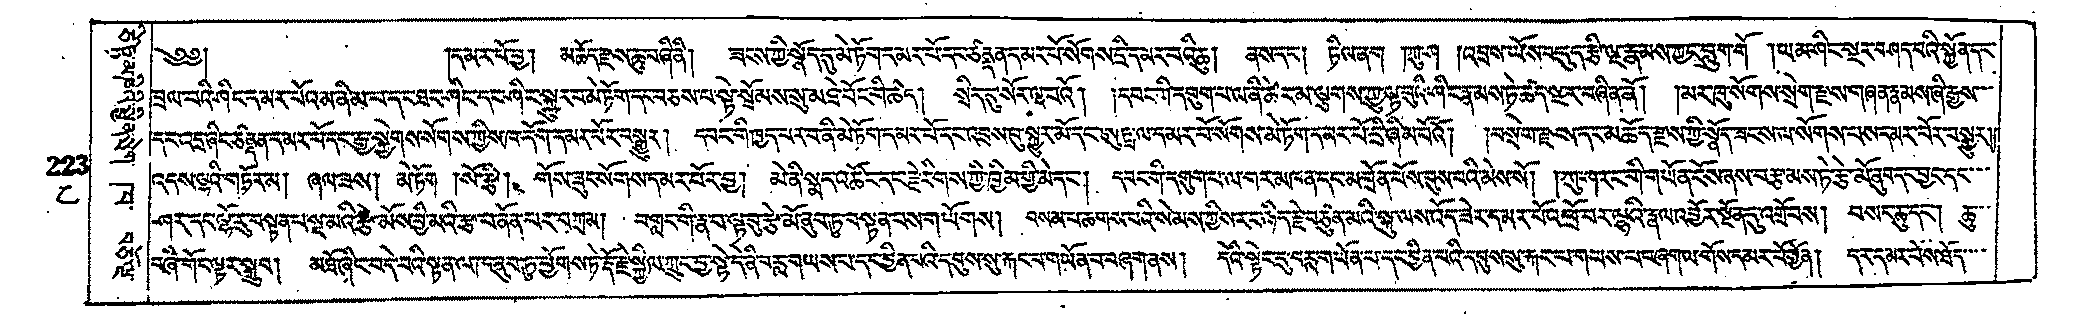༄༅། །དམར་པོ་བྱ། མཆོད་རྫས་ཆུ་བཞི་ནི། ཟངས་ཀྱི་སྣོད་དུ་མེ་ཏོག་དམར་པོ་དང་ཙནྡན་དམར་པོ་སོགས་དྲི་དམར་བའི་ཆུ། ནས་དང་། ཏིལ་ནག །ཀུ་ཤ་།འབྲས་ཡོས་བདུད་རྩི་ལྔ་རྣམས་ཀྱང་བླུག་གོ །ཡམ་ཤིང་སྔར་བཤད་པའི་སྐྱོན་དང་
བྲལ་བའི་ཤིང་དམར་པོའམ་ནིམ་པ་དང་ཐང་ཤིང་དང་ཤིང་སྐྱུར་བ་མེ་ཏོག་དང་བཅས་པ་སྟེ་སྦོམས་སུ་མཐེ་བོང་གི་ཚད། སྲིད་དུ་སོར་ལྔ་པའོ། །དབང་གི་དགུག་པ་ལ་ནི་ཚེར་མ་ལྕགས་ཀྱུ་ལྟ་བུའི་ཤིང་རྣམས་ཏེ་ཚད་སྔར་བཞིན་ནོ། །མར་ཁུ་སོགས་སྲེག་རྫས་གཞན་རྣམས་ཞི་རྒྱས་་་
དང་འདྲ་ཞིང་ཙནྡན་དམར་པོ་དང་རྒྱ་སྐྱེགས་སོགས་ཀྱིས་ཁ་དོག་དམར་པོར་བསྒྱུར། དབང་གི་ཁྱད་པར་བ་ནི་མེ་ཏོག་དམར་པོ་དང་འབྲས་བུ་སྐྱུར་མོ་དང་ཨུཏྤ་ལ་དམར་པོ་སོགས་མེ་ཏོག་དམར་པོ་དྲི་ཞིམ་པོའོ། །བསྲེག་རྫས་དང་མཆོད་རྫས་ཀྱི་སྣོད་ཟངས་ལ་སོགས་པས་དམར་པོར་བསྒྱུར།།
འདས་ལྷའི་གཏོར་མ། ཞལ་ཟས། མེ་ཏོག །སོ་རྩི། གོས་ཟུང་སོགས་དམར་པོར་བྱ། མེ་ནི་སྨད་འཚོང་དང་རྗེ་རིགས་ཁྱིམ་གྱི་མེ་དང་། དབང་གི་དགུག་པ་ལ་གར་མཁན་དང་མགྲོན་པོས་བུས་པའི་མེས་སོ། །ཀུ་ཤ་རང་གི་གཡོན་ངོས་ནས་བརྩམས་ཏེ་རྩེ་མོ་ནུབ་དང་བྱང་དང་་་
ཤར་དང་ལྷོ་རུ་བསྟན་པ་སྔ་མའི་རྩེ་མོས་ཕྱི་མའི་རྩ་བ་ནོན་པར་བཀྲམ། བ་གླང་གི་རྣ་བ་ལྟ་བུ་རྩེ་མོ་ནུབ་ཏུ་བསྟན་པས་གཡོགས། བསམ་པ་ཆགས་པའི་སེམས་ཀྱིས་རང་ཉིད་རྗེ་བརྩུན་མའི་སྐུ་ལས་འོད་ཟེར་དམར་པོ་འཕྲོ་བར་ལྷའི་རྣལ་འབྱོར་སྔོན་དུ་འགྲོ་བས། བསང་ཆུ་དང་། ཆུ་་་
བཞི་གོང་ལྟར་སྒྲུབ། མཐོ་ཞིང་བདེ་བའི་སྟན་ལ་ཁ་ནུབ་ཏུ་ཕྱོགས་ཏེ་རྡོ་རྗེ་སྐྱིལ་ཀྲུང་བྱ་སྟེ་དེ་ནི་བརླ་གཡས་པ་དང་བྱིན་པའི་དབུས་སུ་རྐང་པ་གཡོན་པ་བཞག་ནས། དེའི་སྟེང་དུ་བརླ་གཡོན་པ་དང་བྱིན་པའི་དབུས་སུ་རྐང་པ་གཡས་པ་བཞག་ལ་གོས་དམར་པོ་གྱོན། དར་དམར་པོས་ཐོད་་་